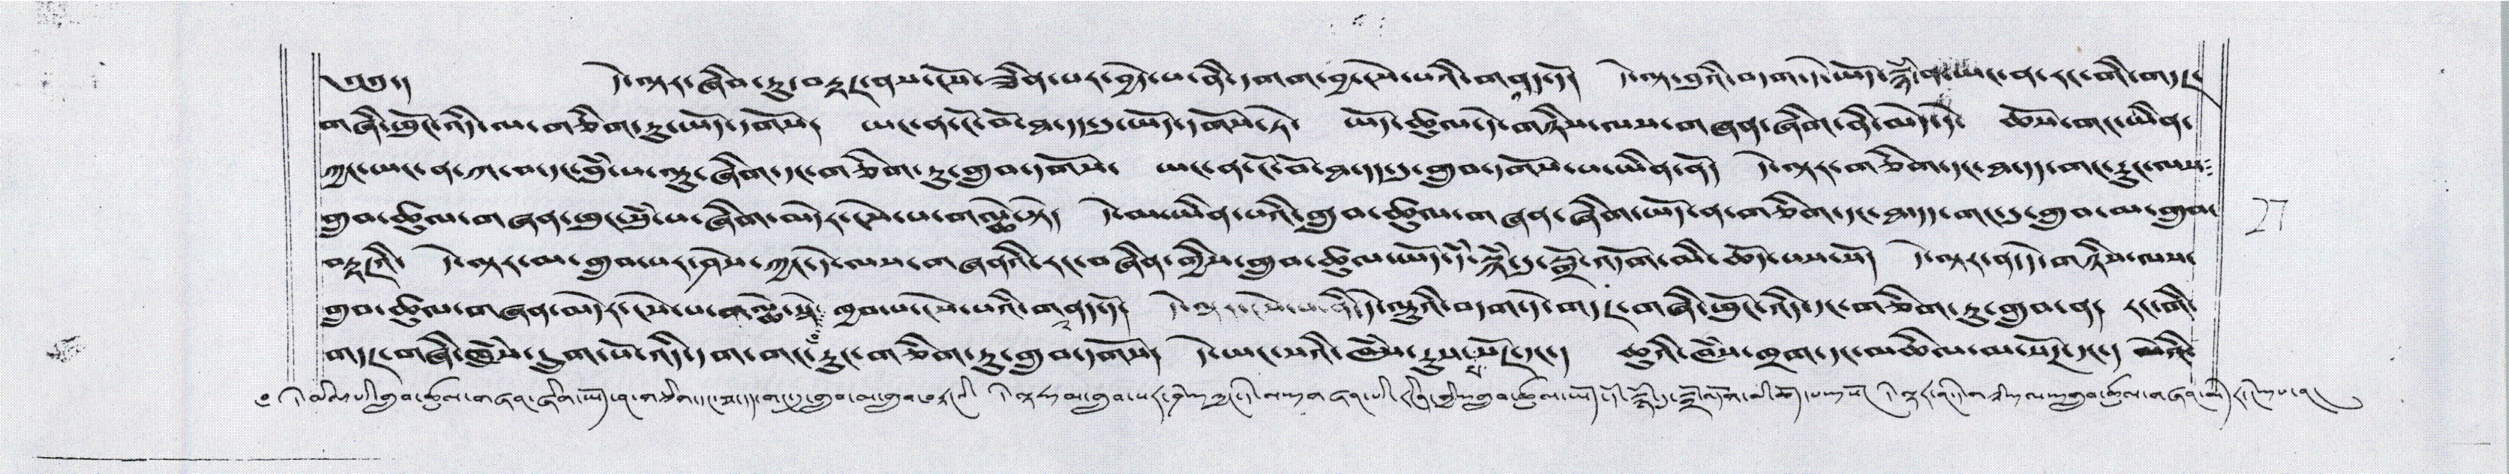དེ་ལྟར་ཞིབ་ཏུ་བརྟགས་ནས་ངོས་ཟིན་པར་བྱེད་པ་ནི་དགག་བྱ་ངེས་པའི་གནད་དོ། དེ་ལྟ་བུའི་བདག་དེ་ཡོད་སྙམ་ན་ཡང་ན་རང་གི་གདགས་
གཞི་ཕུང་པོ་འདི་ལ་གཅིག་ཏུ་ཡོད་དགོས། ཡང་ན་ངོ་བོ་ཐ་དད་དུ་ཡོད་དགོས་ཏེ། ཡོད་ཚུལ་དེ་གཉིས་ལས་གཞན་ཞིག་ནི་མེད་དེ། ཆོས་གང་ཡིན་
ཀྱང་ཡང་ན་ཀ་བ་དང་བུམ་པ་ལྟ་བུ་ཞིག་དང་གཅིག་ཏུ་གྲུབ་དགོས། ཡང་ན་ངོ་བོ་ཐ་དད་དུ་གྲུབ་དགོས་པ་བཞིན་ནོ། དེ་ལྟར་གཅིག་དང་ཐ་དད་གང་རུང་ལས་
གྲུབ་གཞན་ཕུང་གསུམ་པ་ཞིག་མེད་པར་ངེས་པ་གལ་ཆེ་སྟེ། དེ་མ་ཡིན་པཡི་གྲུབ་ཚུལ་གཞན་ཞིག་ཡོད་ན་གཅིག་དང་ཐ་དད་གང་དུ་གྲུབ་མ་གྲུབ་
བརྟགས་པས། དེ་ལྟར་མ་གྲུབ་པར་ཤེས་ཀྱང་དེ་ལས་གཞན་པའི་རང་བཞིན་གྱིས་གྲུབ་ཚུལ་ཡོད་དམ་སྙམ་དུ་སྒྲོ་འདོགས་མི་ཆོད་པས་སོ། དེ་ལྟར་ན་དེ་གཉིས་ལས་
གྲུབ་ཚུལ་གཞན་མེད་པར་ངེས་པ་གལ་ཆེ་སྟེ། ༼ཆད་བཙུད་དེ་མི་དགོས་སྙམ༽ཁྱབ་པ་ངེས་པའི་གནད་དོ། དེ་ལྟར་ངེས་པ་ནི་དེ་ལྟ་བུའི་བདག་དེ་གདགས་གཞི་ཕུང་པོ་འདི་དང་གཅིག་ཏུ་གྲུབ་ན། རང་གི་
གདགས་གཞི་ཁམས་དྲུག་པོ་འདི་དང་གང་རུང་གཅིག་ཏུ་གྲུབ་དགོས། དེ་ཡང་ས་ཡི་ཁམས་རུས་པ་སོགས་དང་། ཆུའི་ཁམས་ཁྲག་དང་མཆིལ་མ་སོགས་དང་། མེའི་